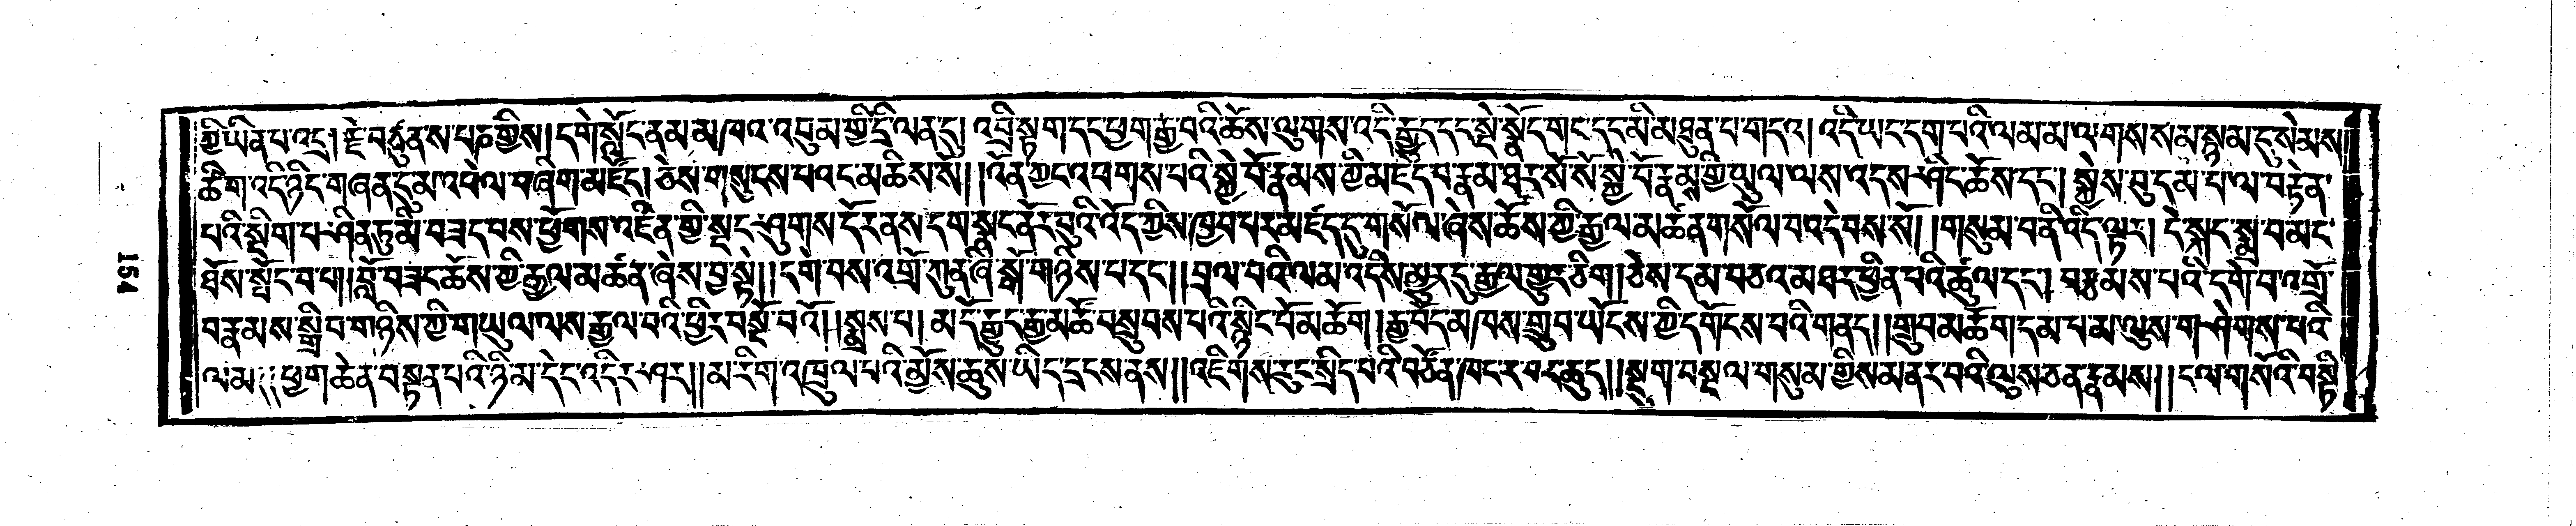ཀྱི་ཡིན་པ་འདྲ། རྗེ་བཙུན་ས་པཎ་གྱིས། དགེ་སློང་ནམ་མཁའ་འབུམ་གྱི་དྲི་ལན་དུ། འབྲི་སྟག་དང་ཕྱག་རྒྱ་བའི་ཆོས་ལུགས་འདི་རྒྱུད་དང་སྡེ་སྣོད་གང་དང་མི་མཐུན་པ་གདའ། འདི་ཡང་དག་པའི་ལམ་མ་ལགས་སམ་སྙམ་དུ་སེམས་
ཚིག་འདི་ཉིད་གཞན་དུ་མ་འཕེལ་བ་ཞིག་མཛོད། ཅེས་གསུངས་པའང་མཆིས་སོ། །འོན་ཀྱང་འཕགས་པའི་སྐྱེ་བོ་རྣམས་ཀྱི་མཛད་པ་རྣམ་ཐར་སོ་སོ་སྐྱེ་བོ་རྣམས་ཀྱི་ཡུལ་ལས་འདས་ཤིང་ཆོས་དང་། སྐྱེས་བུ་དམ་པ་ལ་བརྟེན་
པའི་སྡིག་པ་ཤིན་ཏུ་མི་བཟད་པས་ཕྱོགས་འཛིན་གྱི་སྡང་ཤུགས་དོར་ནས་དག་སྣང་ནོར་བུའི་འོད་ཀྱིས་ཁྱབ་པར་མཛད་དུ་གསོལ་ཞེས་ཆོས་ཀྱི་རྒྱལ་མཚན་གསོལ་བ་འདེབས་སོ། །གསུམ་པ་ནི་འདི་ལྟར། དེ་སྐད་སྨྲ་བ་མང་
ཐོས་སྤོང་བ་པ། །བློ་བཟང་ཆོས་ཀྱི་རྒྱལ་མཚན་ཞེས་བྱ་སྟེ། །དག་པས་འགྲོ་ཀུན་ཞི་སྒོ་གཉིས་པ་དང་། །བྲལ་བའི་ལམ་འདིས་མྱུར་དུ་རྒྱལ་གྱུར་ཅིག །ཅེས་དམ་བཅའ་མཐར་ཕྱིན་པའི་ཚུལ་དང་། བརྩམས་པའི་དགེ་བ་འགྲོ་
བ་རྣམས་སྒྲིབ་གཉིས་ཀྱི་གཡུལ་ལས་རྒྱལ་བའི་ཕྱིར་བསྔོ་བའོ། །སྨྲས་པ། མདོ་རྒྱུད་རྒྱ་མཚོ་བསྲུབས་པའི་སྙིང་པོ་མཆོག །རྒྱ་བོད་མཁས་གྲུབ་ཡོངས་ཀྱི་དགོངས་པའི་གནད། །གྲུབ་མཆོག་དམ་པ་མ་ལུས་གཤེགས་པའི་
ལམ། །ཕྱག་ཆེན་བསྟན་པའི་ཉི་མ་དེང་འདིར་ཤར། །མ་རིག་འཁྲུལ་པའི་མྱོས་ཆུས་ཡིད་དྲངས་ནས། །འཇིགས་རུང་སྲིད་པའི་བཙོན་ཁང་ར་བར་ཆུད། །སྡུག་བསྔལ་གསུམ་གྱིས་མནར་བའི་ལུས་ཅན་རྣམས། །ངལ་གསོའི་བསྟི་